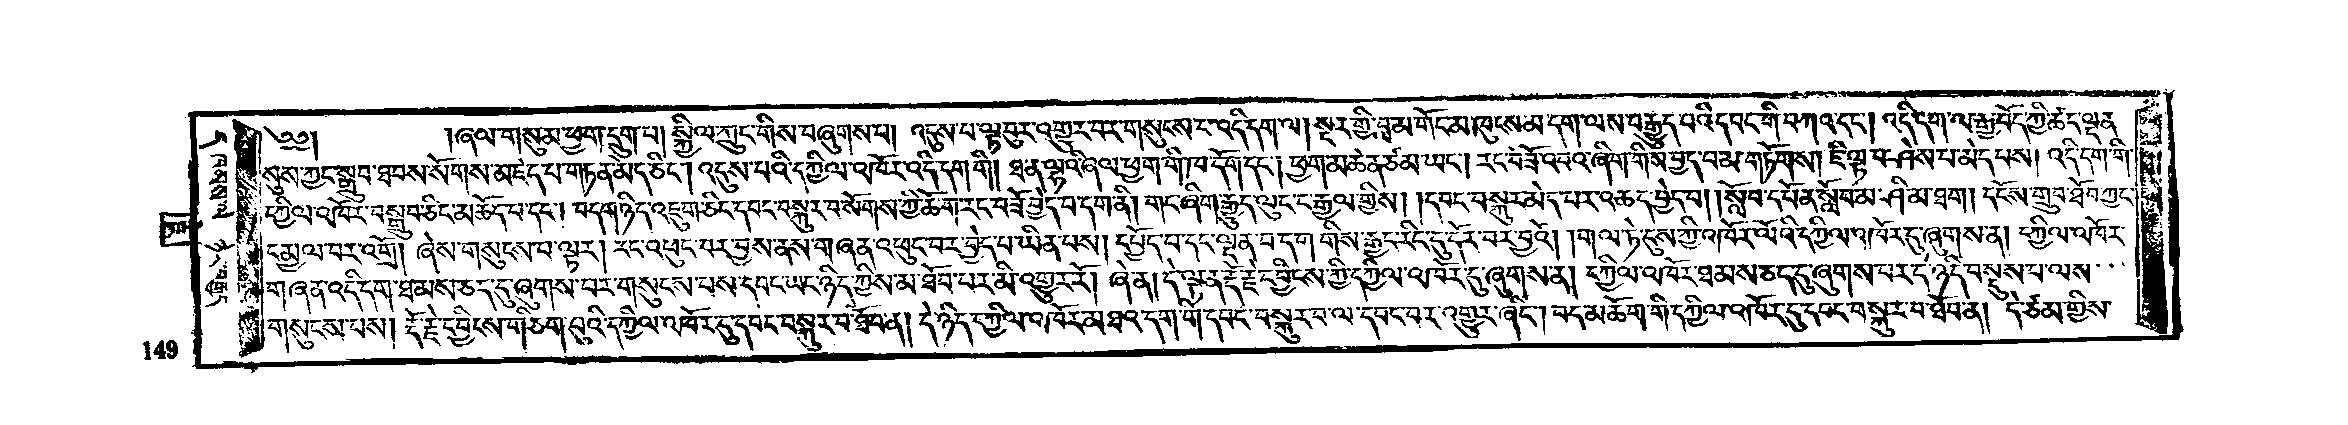༄༅། །ཞལ་གསུམ་ཕྱག་དྲུག་པ། སྐྱིལ་ཀྲུང་གིས་བཞུགས་པ། འདུས་པ་ལྟ་བུར་འགྱུར་བར་གསུངས་པ་འདི་དག་ལ། སྔར་གྱི་བླ་མ་གོང་མ་ཁུངས་མ་དག་ལས་བརྒྱུད་པའི་དབང་གི་བཀའ་དང་། འདི་དག་ལ་རྒྱ་བོད་ཀྱི་ཚད་ལྡན་
སུས་ཀྱང་སྒྲུབ་ཐབས་སོགས་མཛད་པ་གཏན་མེད་ཅིང་། འདུས་པའི་དཀྱིལ་འཁོར་འདི་དག་གི །ཐ་ན་ལྷའི་ཞལ་ཕྱག་གི་ཁ་དོག་དང་། ཕྱག་མཚན་ཙམ་ཡང་། རང་བཟོ་འབའ་ཞིག་གིས་བྱེད་པ་མ་གཏོགས། ཇི་ལྟ་བ་ཤེས་པ་མེད་པས། འདི་དག་གི་
དཀྱིལ་འཁོར་བསྒྲུབ་ཅིང་མཆོད་པ་དང་། བདག་ཉིད་འཇུག་ཅིང་དབང་བསྐུར་བ་སོགས་ཀྱི་ཆོ་ག་རང་བཟོ་བྱེད་པ་དག་ནི། གང་ཞིག་རྒྱུད་ལུང་ང་རྒྱལ་གྱིས། །དབང་བསྐུར་མེད་པར་འཆད་བྱེད་པ། །སློབ་དཔོན་སློབ་མ་ཤི་མ་ཐག །དངོས་གྲུབ་ཐོབ་ཀྱང་
དམྱལ་བར་འགྲོ། ཞེས་གསུངས་པ་ལྟར། རང་འཕུང་བར་བྱས་ནས་གཞན་འཕུང་བར་བྱེད་པ་ཡིན་པས། དཔྱོད་པ་དང་ལྡན་པ་དག་གིས་རྒྱང་རིང་དུ་དོར་བར་བྱའོ། །གལ་ཏེ་དུས་ཀྱི་འཁོར་ལོའི་དཀྱིལ་འཁོར་དུ་ཞུགས་ན། དཀྱིལ་འཁོར་
གཞན་འདི་དག་ཐམས་ཅད་དུ་ཞུགས་པར་གསུངས་པས་དབང་ཡང་ཉིད་ཀྱིས་མ་ཐོབ་པར་མི་འགྱུར་རོ། ཞེ་ན། དེ་ལྟ་ན་རྡོ་རྗེ་དབྱིངས་ཀྱི་དཀྱིལ་འཁོར་དུ་ཞུགས་ན། དཀྱིལ་འཁོར་ཐམས་ཅད་དུ་ཞུགས་པར་དེ་ཉིད་བསྡུས་པ་ལས་
གསུངས་པས། རྡོ་རྗེ་དབྱིངས་གཅིག་པུའི་དཀྱིལ་འཁོར་དུ་དབང་བསྐུར་བ་ཐོབ་ན། དེ་ཉིད་དཀྱིལ་འཁོར་མཐའ་དག་གི་དབང་བསྐུར་བ་ལ་དབང་བར་འགྱུར་ཞིང་། བདེ་མཆོག་གི་དཀྱིལ་འཁོར་དུ་དབང་བསྐུར་བ་ཐོབ་ན། དེ་ཙམ་གྱིས་